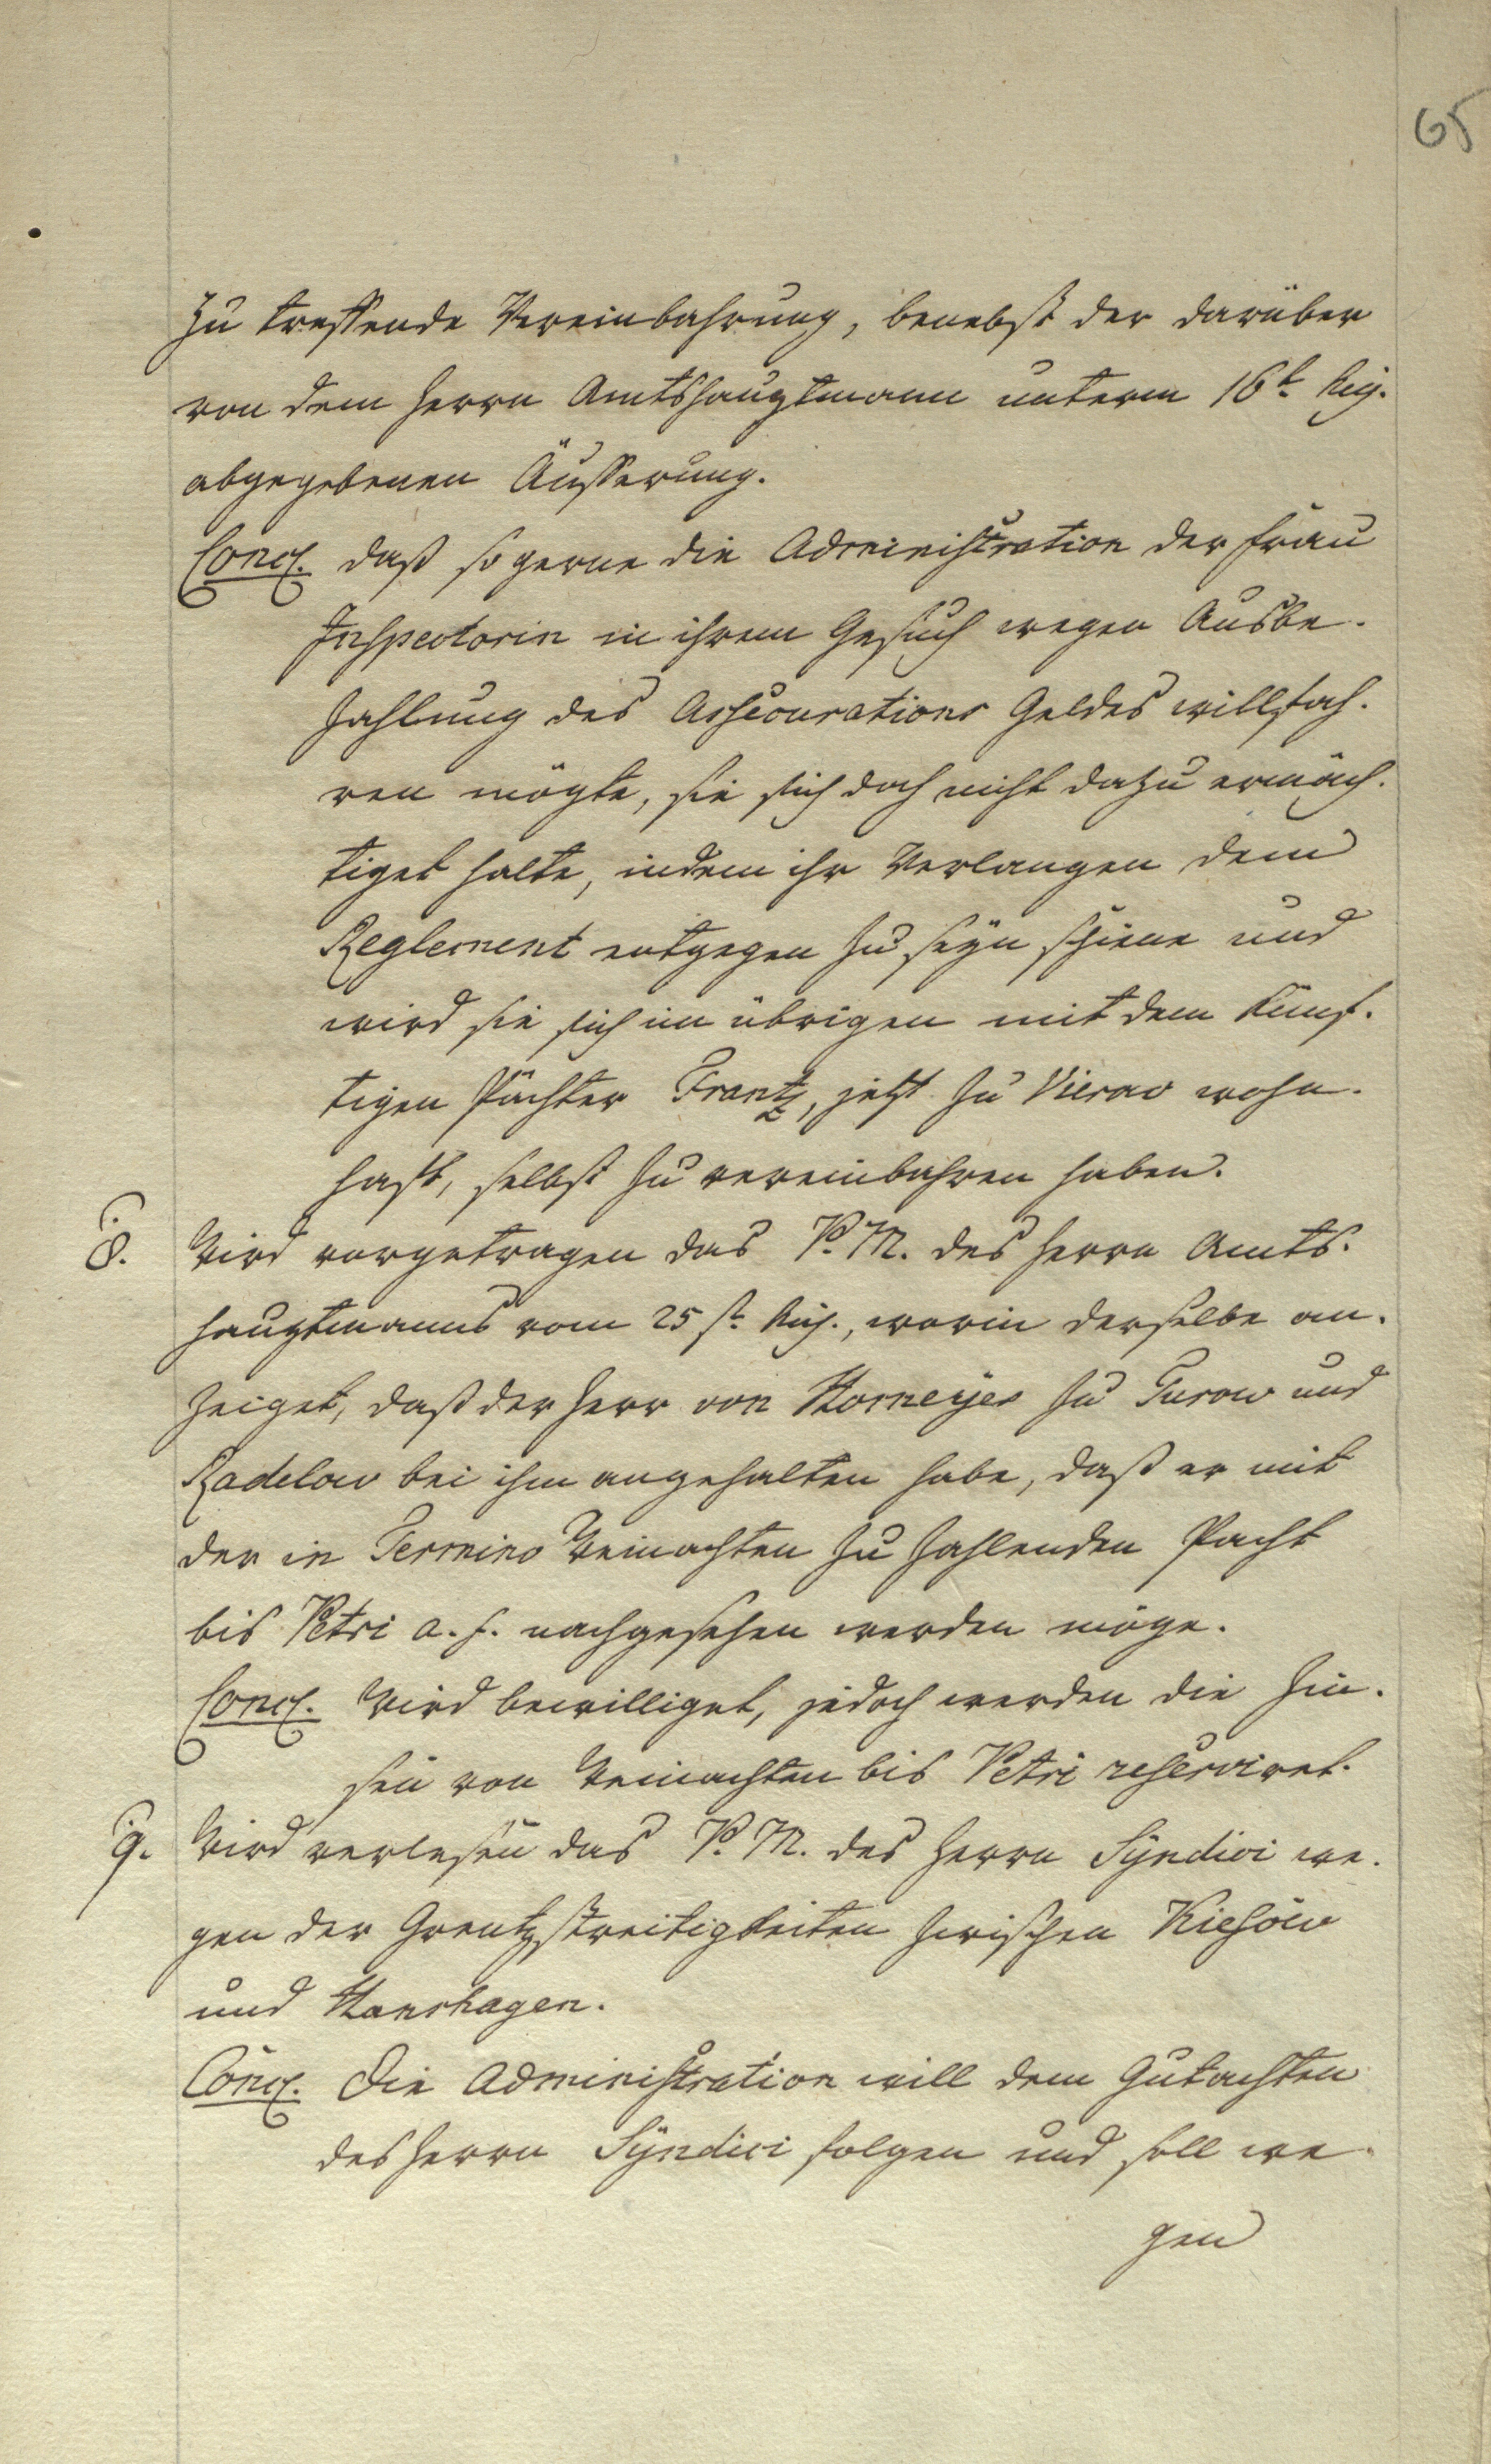zu treffende Vereinbahrung, benebst der darüber
von dem Herrn Amtshauptmann unterm 16 t huj.
abgegebenen Äusserung.
Concl. daß so gerne die Administration der Frau
Inspectorin in ihrem Gesuch wegen Ausbe¬
zahlung des Assecurations Geldes willfah¬
ren mögte, sie sich doch nicht dazu ermäch¬
tiget halte, indem ihr Verlangen dem
Reglement entgegen zu seÿn schiene und
wird sie sich im übrigen mit dem künf¬
digen Pächter Frantz, jetzt zu Vierow wohn¬
haft, selbst zu vereinbahren haben.
8. Wird vorgetragen das P. M. des Herrn Amts¬
hauptmanns vom 25 st huj., worin derselbe an¬
zeiget, daß der Herr von Homeÿer zu Turow und
Radelow bei ihm angehalten habe, daß er mit
der in Termino Weinachten zu zahlenden Pacht
bis Petri a. f. nachgesehen werden möge.
Concl. Wird bewilliget, jedoch werden die Zin¬
sen von Weinachten bis Petri reserviret.
9. Wird verlesen das P. M. des Herrn Sÿndici we¬
gen der Grentzstreitigkeiten zwischen Kiesow
und Hanshagen.
Concl. Die Administration will dem Gutachten
des Herrn Sÿndici folgen und soll we¬
gen